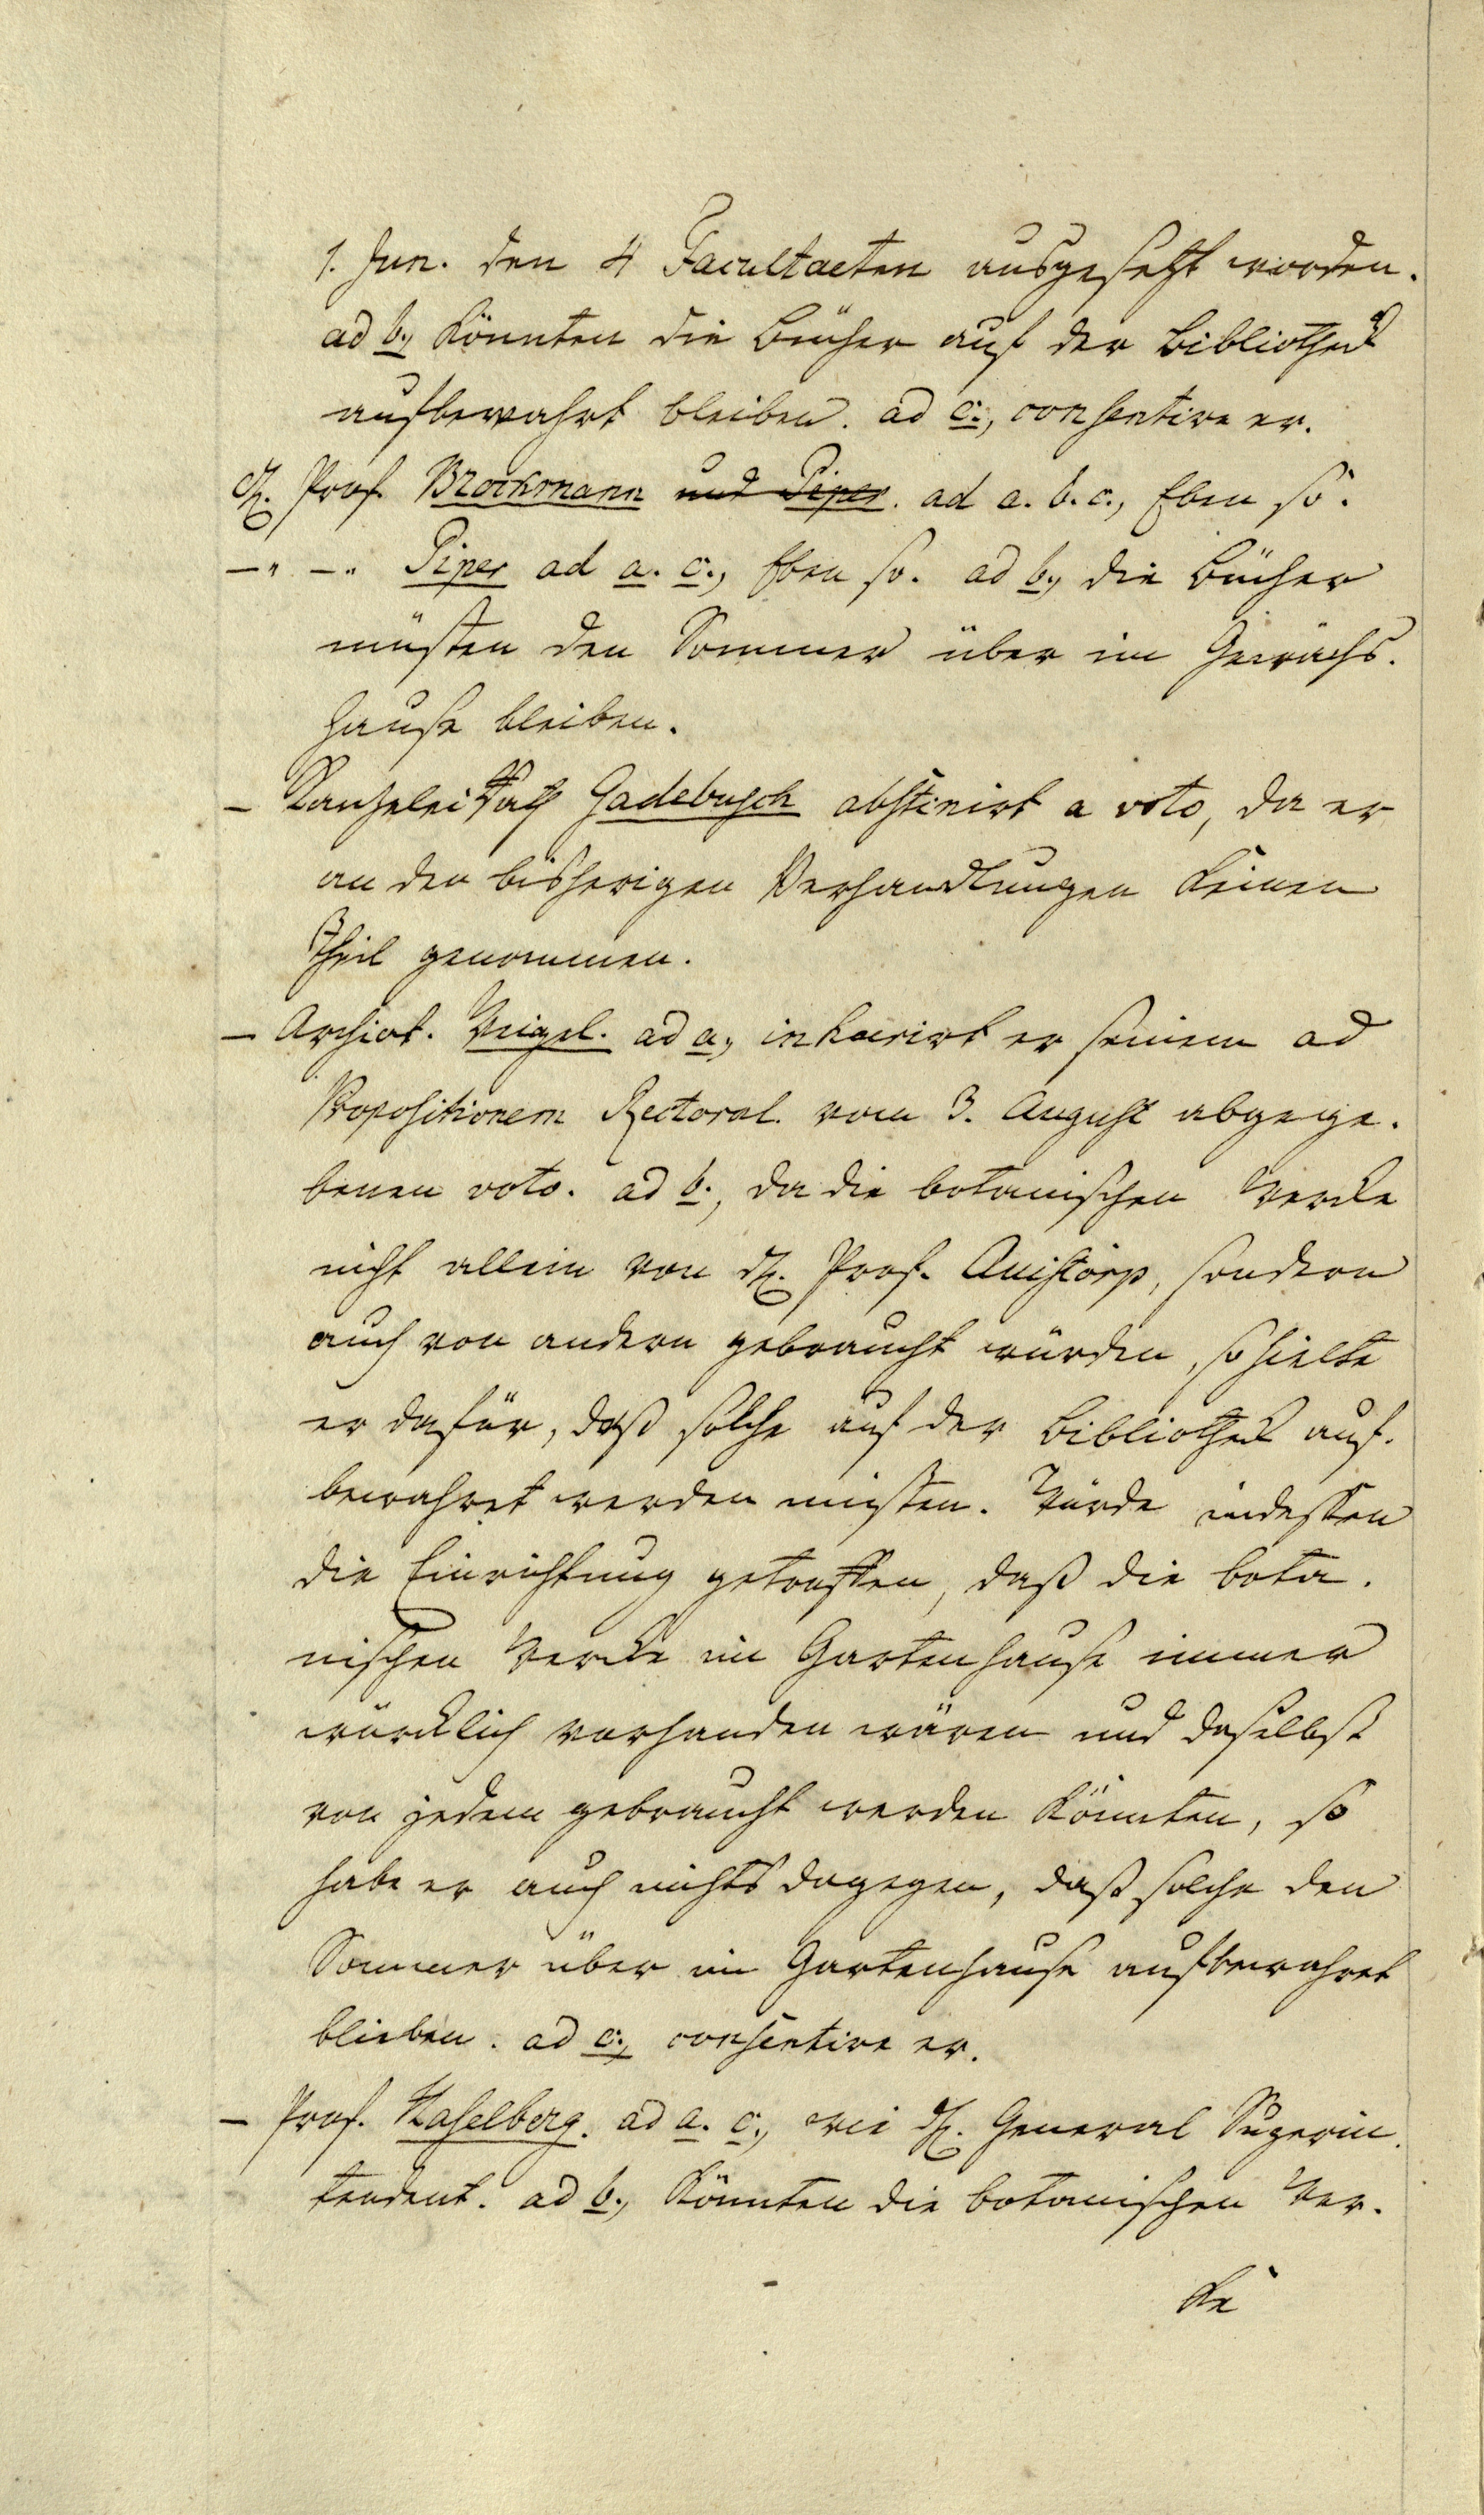1. Jun. den 4 Facultaeten ausgesetzt worden.
ad b., könnten die Bücher auf der Bibliotheck
aufbewahrt bleiben. ad c., consentire er.
dh. Prof. Brockmann und Piper ad a. b. c., Eben so.
Piper ad a. c., Eben so. ad b. die Bücher
müßten den Sommer über im Gewächs¬
hause bleiben.
Kanzelei Rath Gadebusch abstinirt a voto, da er
an den bisherigen Verhandlungen keinen
Theil genommen.
Archiat. Weigel. ad a. inhaerirt er seinem ad
Propositionem Rectoral. vom 3. August abgege¬
benen voto. ad b., da die botanischen Wercke
nicht allein von dh. Prof. Quistorp, sondern
auch von andern gebraucht würden, so hielte
er dafür, daß solche auf der Bibliotheck auf¬
bewahret werden müßten. Würde indessen
die Einrichtung getroffen, daß die bota¬
nischen Wercke in Gartenhause immer
würcklich vorhanden wären und daselbst
von jedem gebraucht werden könnten, so
habe er auch nichts dagegen, daß solche den
Sommer über im Gartenhause aufbewahret
blieben. ad c., consentire er.
Prof. Haselberg. ad a. c., wie dh. General Superin¬
tendent. ad b., könnten die botanischen Wer¬
ke